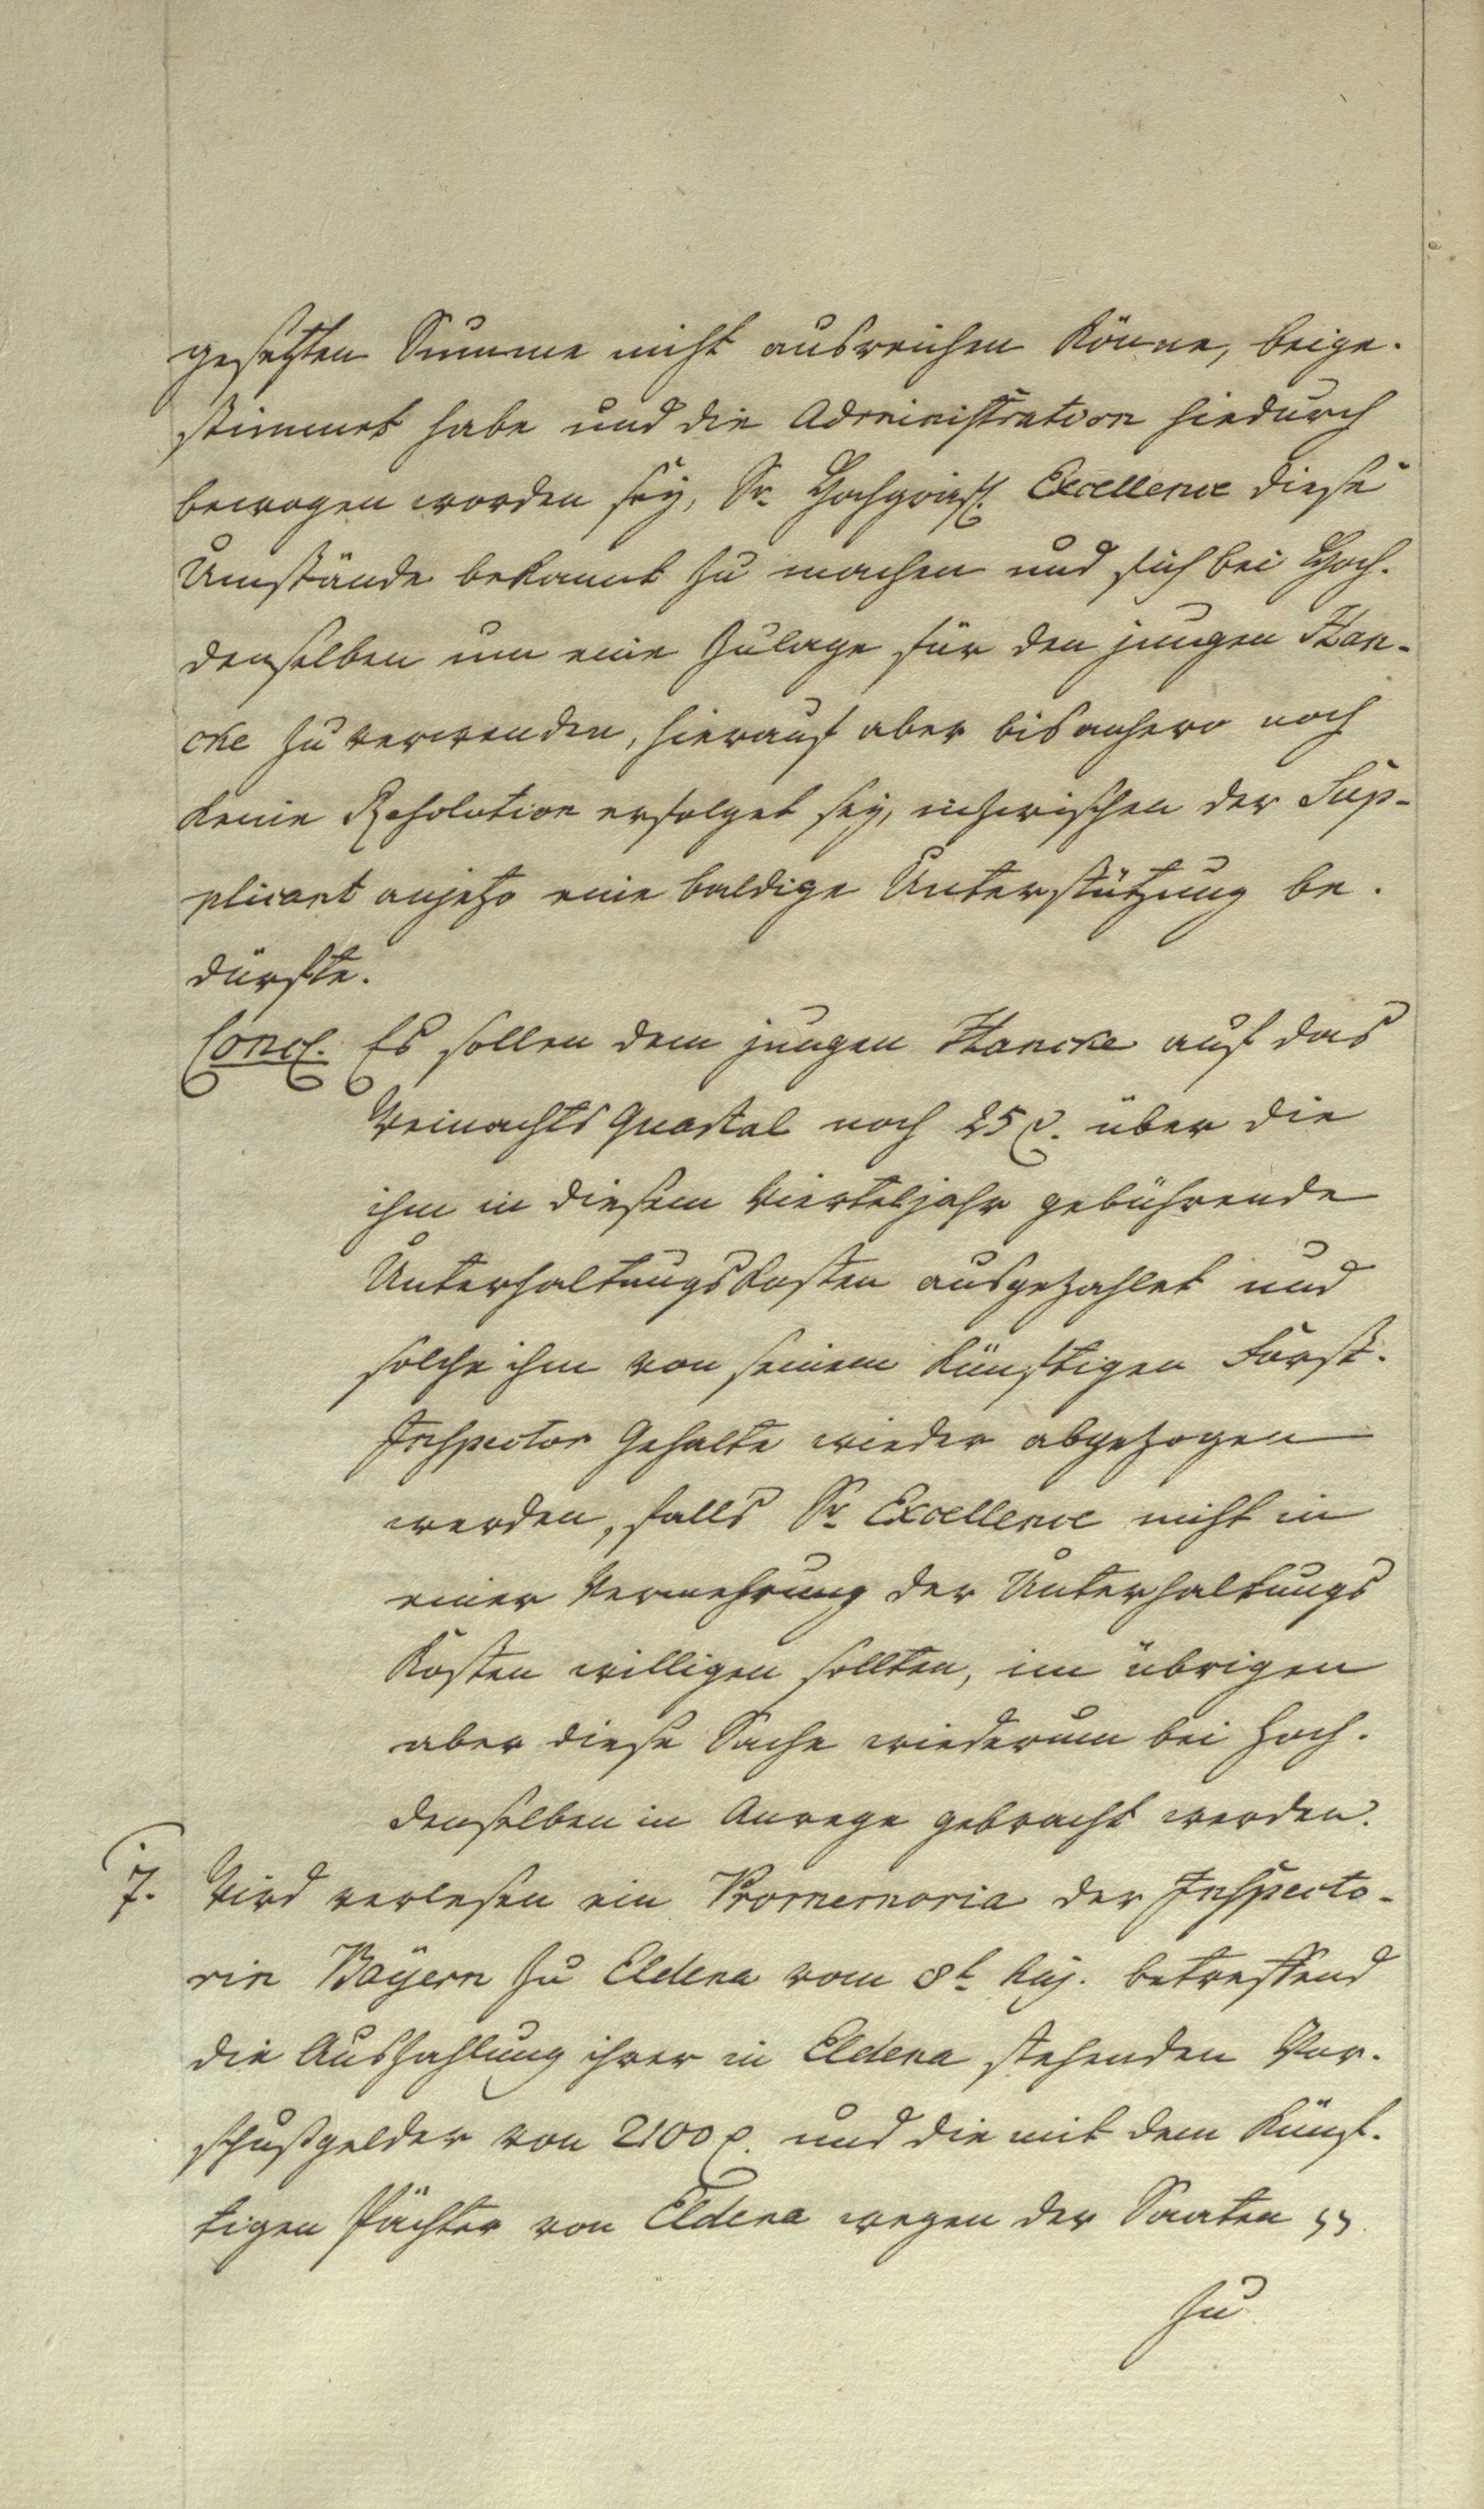gesetzten Summe nicht ausreichen könne, beige¬
stimmt habe und die Administration hiedurch
bewogen worden seÿ, Sr Hochgräfl. Excellence diese
Umstände bekannt zu machen und sich bei Hoch¬
denselben um eine Zulage für den jungen Han¬
cke zu verwenden, hierauf aber bis anhero noch
keine Resolution erfolget seÿ, inzwischen der Sup¬
plicant anjetzo eine baldige Unterstützung be¬
dürfte.
Concl. Es sollen dem jungen Hancke auf das
Weinachts Quartale noch 25 l. über die
ihm in diesem Vierteljahr gebührende
Unterhaltungs Kosten ausgezahlet und
solche ihm von seinem künftigen Forst¬
Inspector Gehalte wieder abgezogen
werden, falls Sr Excellence nicht in
einer Vermehrung der Unterhaltungs
Kosten willigen sollten, im übrigen
aber diese Sache wiederum bei Hoch-
denselben in Anrege gebracht werden.
7. Wird verlesen ein Promemoria der Inspecto¬
rin Baÿern zu Eldena vom 8 t huj. betreffend
die Auszahlung ihrer in Eldena stehenden Vor¬
schußsgelder von 2100 l. und die mit dem künf¬
tigen Pächter von Eldena wegen der Saaten
zu